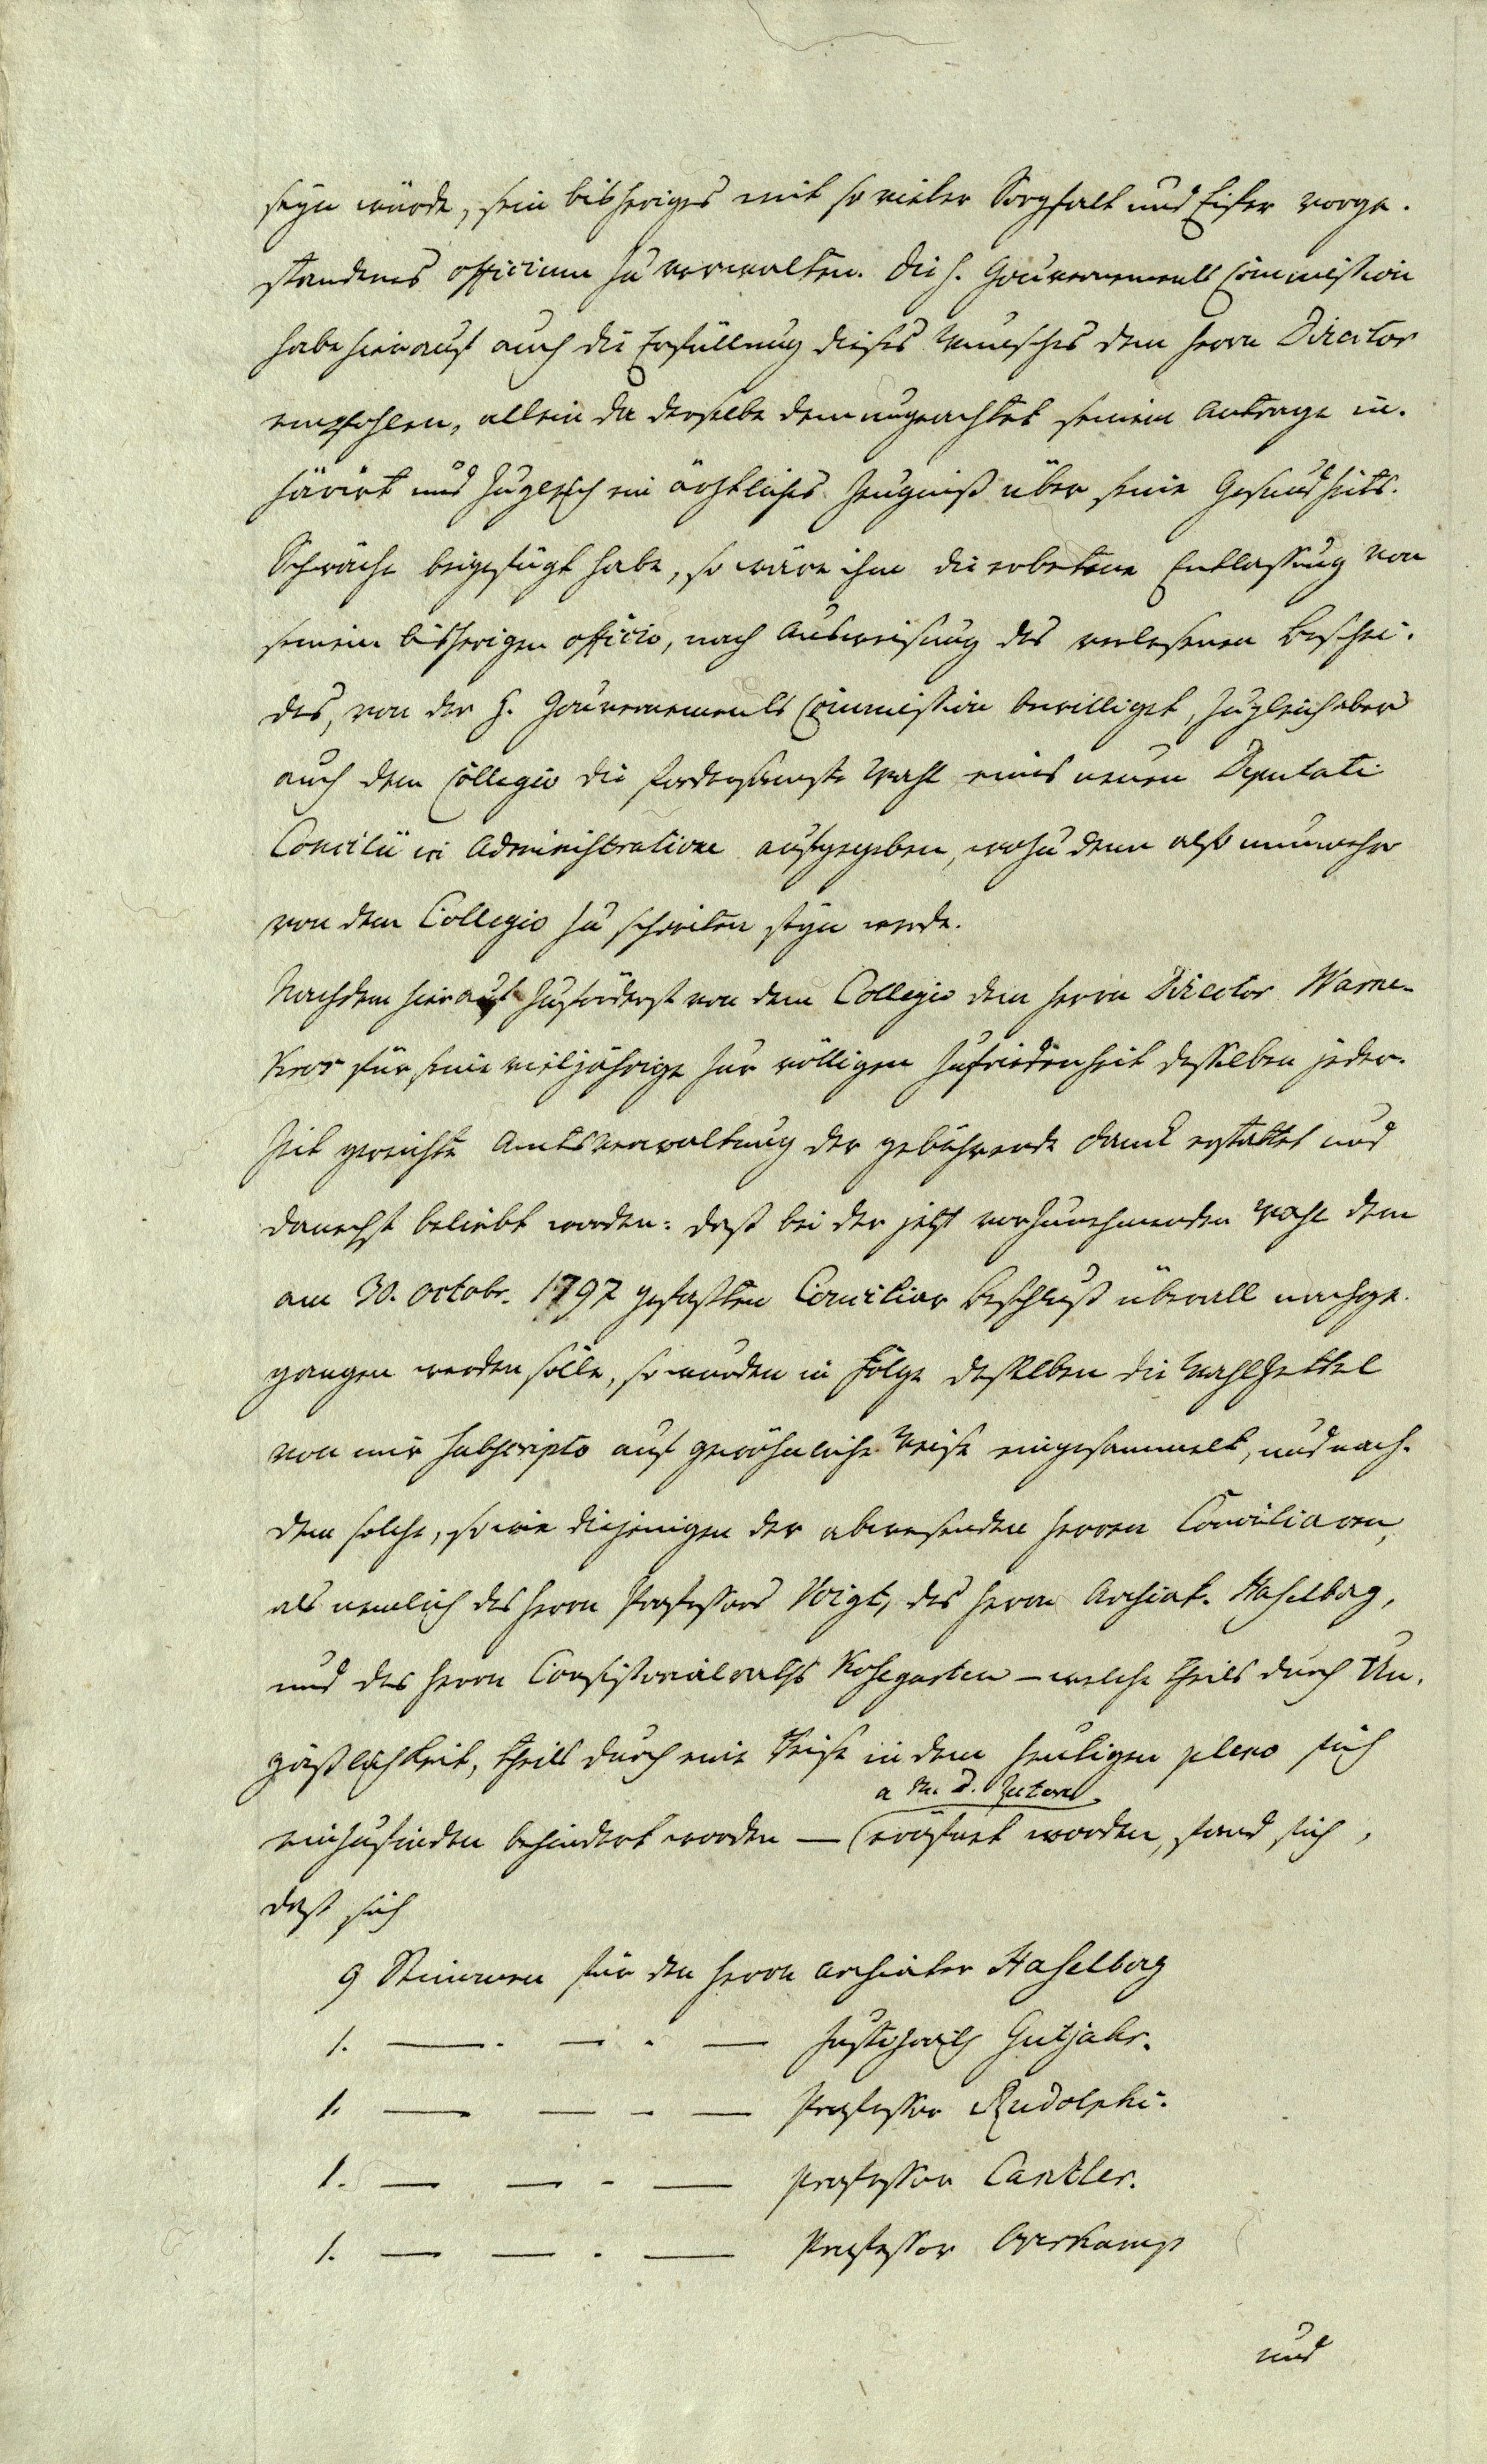seÿn würde, sein bisheriges mit so vieler Sorgfalt und Eifer vorge¬
standenes officium zu verwalten. Die h. Gouvernements Commission
habe hierauf auch die Erfüllung dieses Wunsches dem Herrn Director
empfohlen, allein da derselbe dem ungeachtet seinem Antrage in¬
härirt und zugleich ein ärztliches Zeugniß über seine Gesundheits¬
Schwäche beigefügt habe, so wäre ihm die erbetene Entlassung von
seinem bisherigen officio, nach Ausweisung des verlesenen Beschei¬
des, von der h. Gouvernements Commission bewilliget, zugleich aber
auch dem Collegio die fordersamste Wahl eines neuen Deputati
Concilii in Administration aufgegeben, wozu denn also nunmehro
von dem Collegio zu schreiten seÿn werde.
Nachdem hierauf zuförderst von dem Collegio dem Herrn Director Warne¬
kros für seine vieljährige zur völligen Zufriedenheit desselben jeder
Zeit gereichte Amtsverwaltung der gebührende Dank erstattet und
danechst beliebt worden: daß bei der jetzt vorzunehmenden Wahl den
am 30. Octobr. 1797 gefaßten Conciliar Beschluß überall nachge¬
gangen werden solle, so wurden in Folge desselben die Wahlzettel
von mir subscripto auf gewöhnliche Weise eingesammelt, und nach¬
dem solche, so wie diejenigen der abwesenden Herren Conciliaren,
als nemlich des Herrn Professor Voigt, des Herrn Archiat. Haselberg,
und des Herrn Consistorialraths Kosegarten welche theils durch Un¬
päßlichkeit, theils durch eine Reise in dem heutigen pleno sich
a M. d. Rectore
einzufinden behindert worden eröfnet worden, fand sich,
daß sich
9 Stimmen für den Herrn Archiater Haselberg
1. Justizrath Gutjahr.
1. Professor Rudolphi¬
1. Professor Canzler.
1. Professor Overkamp
und